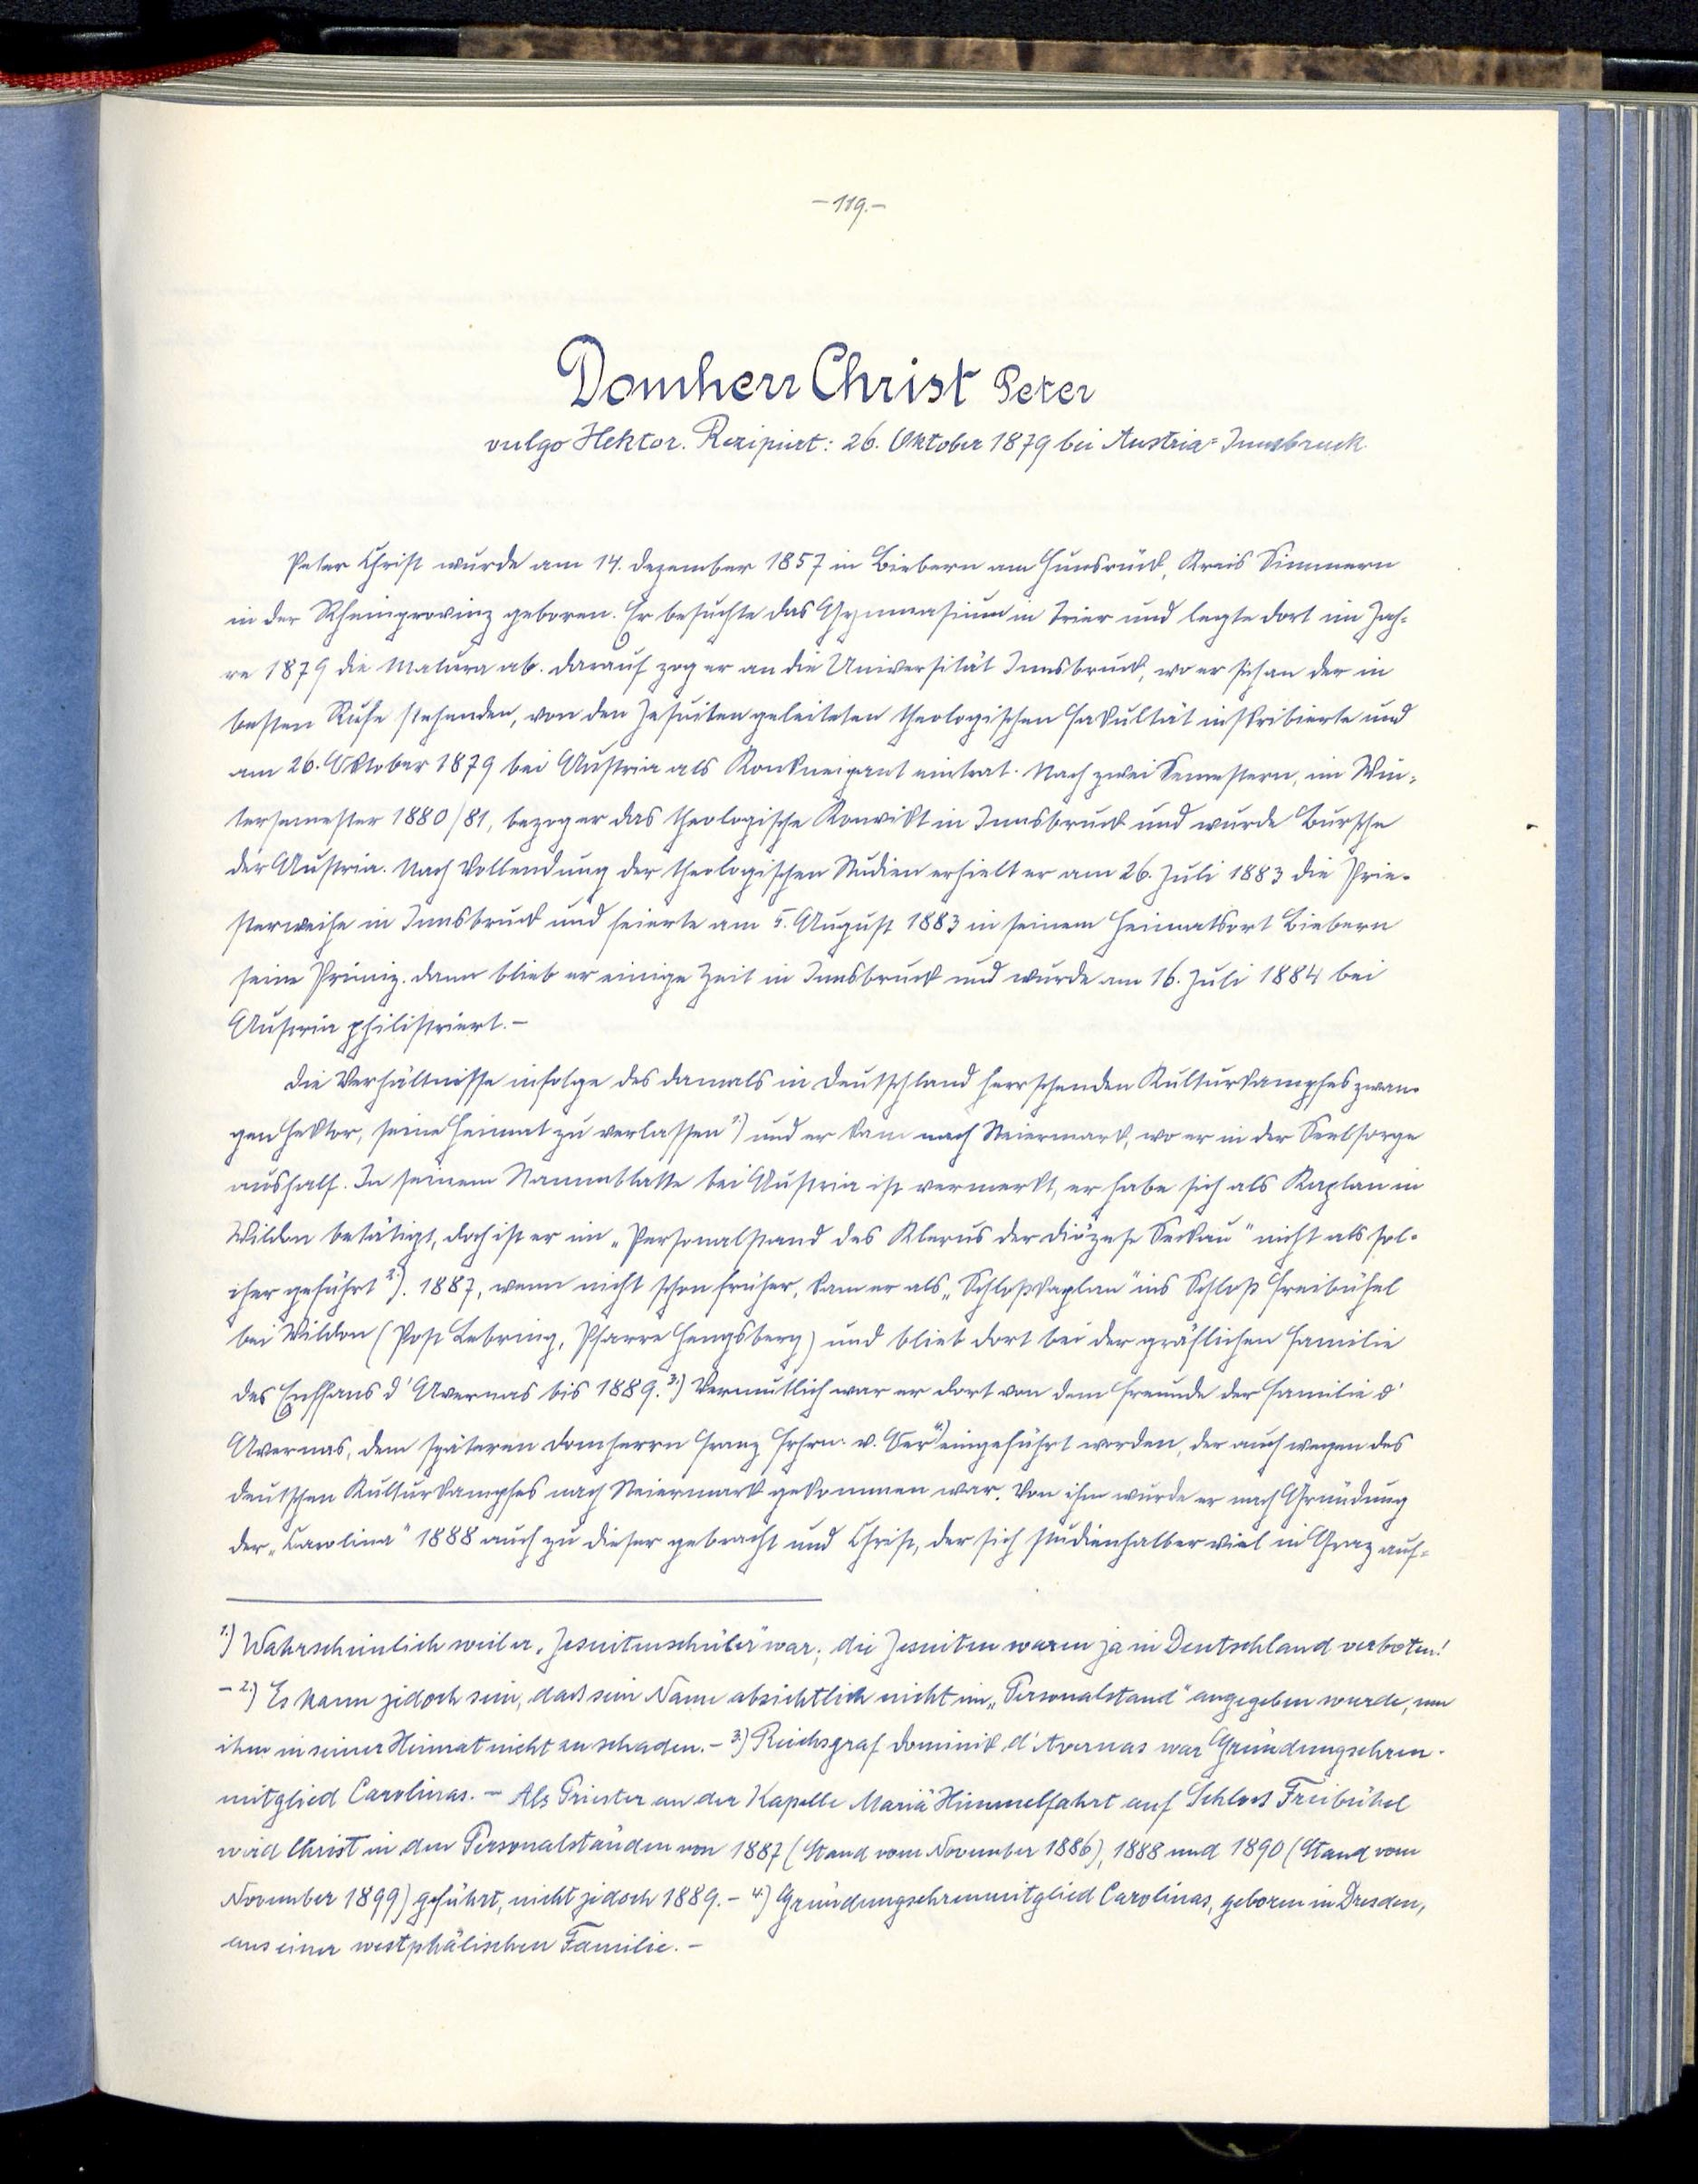119
Domherr Christ Peter
vulgo Hektor. Rezipiert: 26. Oktober 1879 bei Austria- Innsbruck
Peter Christ wurde am 14. Dezember 1857 in Biebern im Hunsrück, Kreis Simmern
in der Rheinprovinz geboren. Er besuchte das Gymnasium in Trier und legte dort im Jah-
re 1879 die Matura ab. Darauf zog er an die Universität Innsbruck, wo er sich an der in
besten Rufe stehenden, von den Jesuiten geleiteten theologischen Fakultät inskribierte und
am 20. Oktober 1879 bei Austria als Konkneipant eintrat. Nach zwei Semestern, im Wien-
tersemester 1880 /81, bezog er das theologische Konvikt in Innsbruck und wurde Bursche
der Austria. Nach Vollendung der theologischen Studien erhielt er am 26. Juli 1883 die Prie-
sterweihe in Innsbruck und feierte am 5. August 1883 in seinem Heimatort Biebern
seine Primiz. Dann blieb er einige Zeit in Innsbruck und wurde am 16. Juli 1884 bei
Austria philistriert.-
Die Verhältnisse infolge des damals in Deutschland herrschenden Kulturkampfes zwan-
gen Hektor, seine Heimat zu verlassen 1) und er kam nach Steiermark, wo er in der Seelsorge
aushalf. In seinen Stammblatte bei Austria ist vermerkt, er habe sich als Kaplan in
Wilden bestätigt, doch ist er im „Personalstand des Klerus der Diözese Seckau“ nicht als sol-
cher geführt 2). 1887, wenn nicht schon früher, kam er als „Schloßkaplan ins Schloß Freibühel
bei Wilden (Post Lebring, Pfarre Hengsberg) und blieb dort bei der gräflichen Familie
des Enffans d' Avernas bis 1889 3) vermutlich war er dort von dem Freunde der Familie d'
Avernas, dem späteren Domherrn Franz Frhrn. v. Aer 4) eingeführt worden, der auch wegen des
deutschen Kulturkampfes nach Steiermark gekommen war. Von ihm wurde er nach Gründung
der "Carolina" 1888 auch zu dieser gebracht und Christ, der sich studienhalber viel in Graz auf-
1) Wahrscheinlich weil er Jesuitenschüler war, die Jesuiten waren ja in Deutschland verboten!
2) Es kann jedoch sein, daß sein Name absichtlich nicht im „Personalstand" angegeben wurde, um
ihm in seiner Heimat nicht zu schaden. - 3) Reichsgraf Dominik d' Avernas s war Gründungsehren-
Mitglied Carolinas.- Als Priester an der Kapelle Maria HImmelfahrt auf Schloß Freibühel
wird Christ in den Personalständen von 1887 (Stand von November 1886) 1888 und 1890 (Stand von
November 1899) geführt, nicht jedoch 1889.- 25) Gründungsehreneitglied Carolinas, geboren in Dresden,
aus einer westphälischen Familie.-